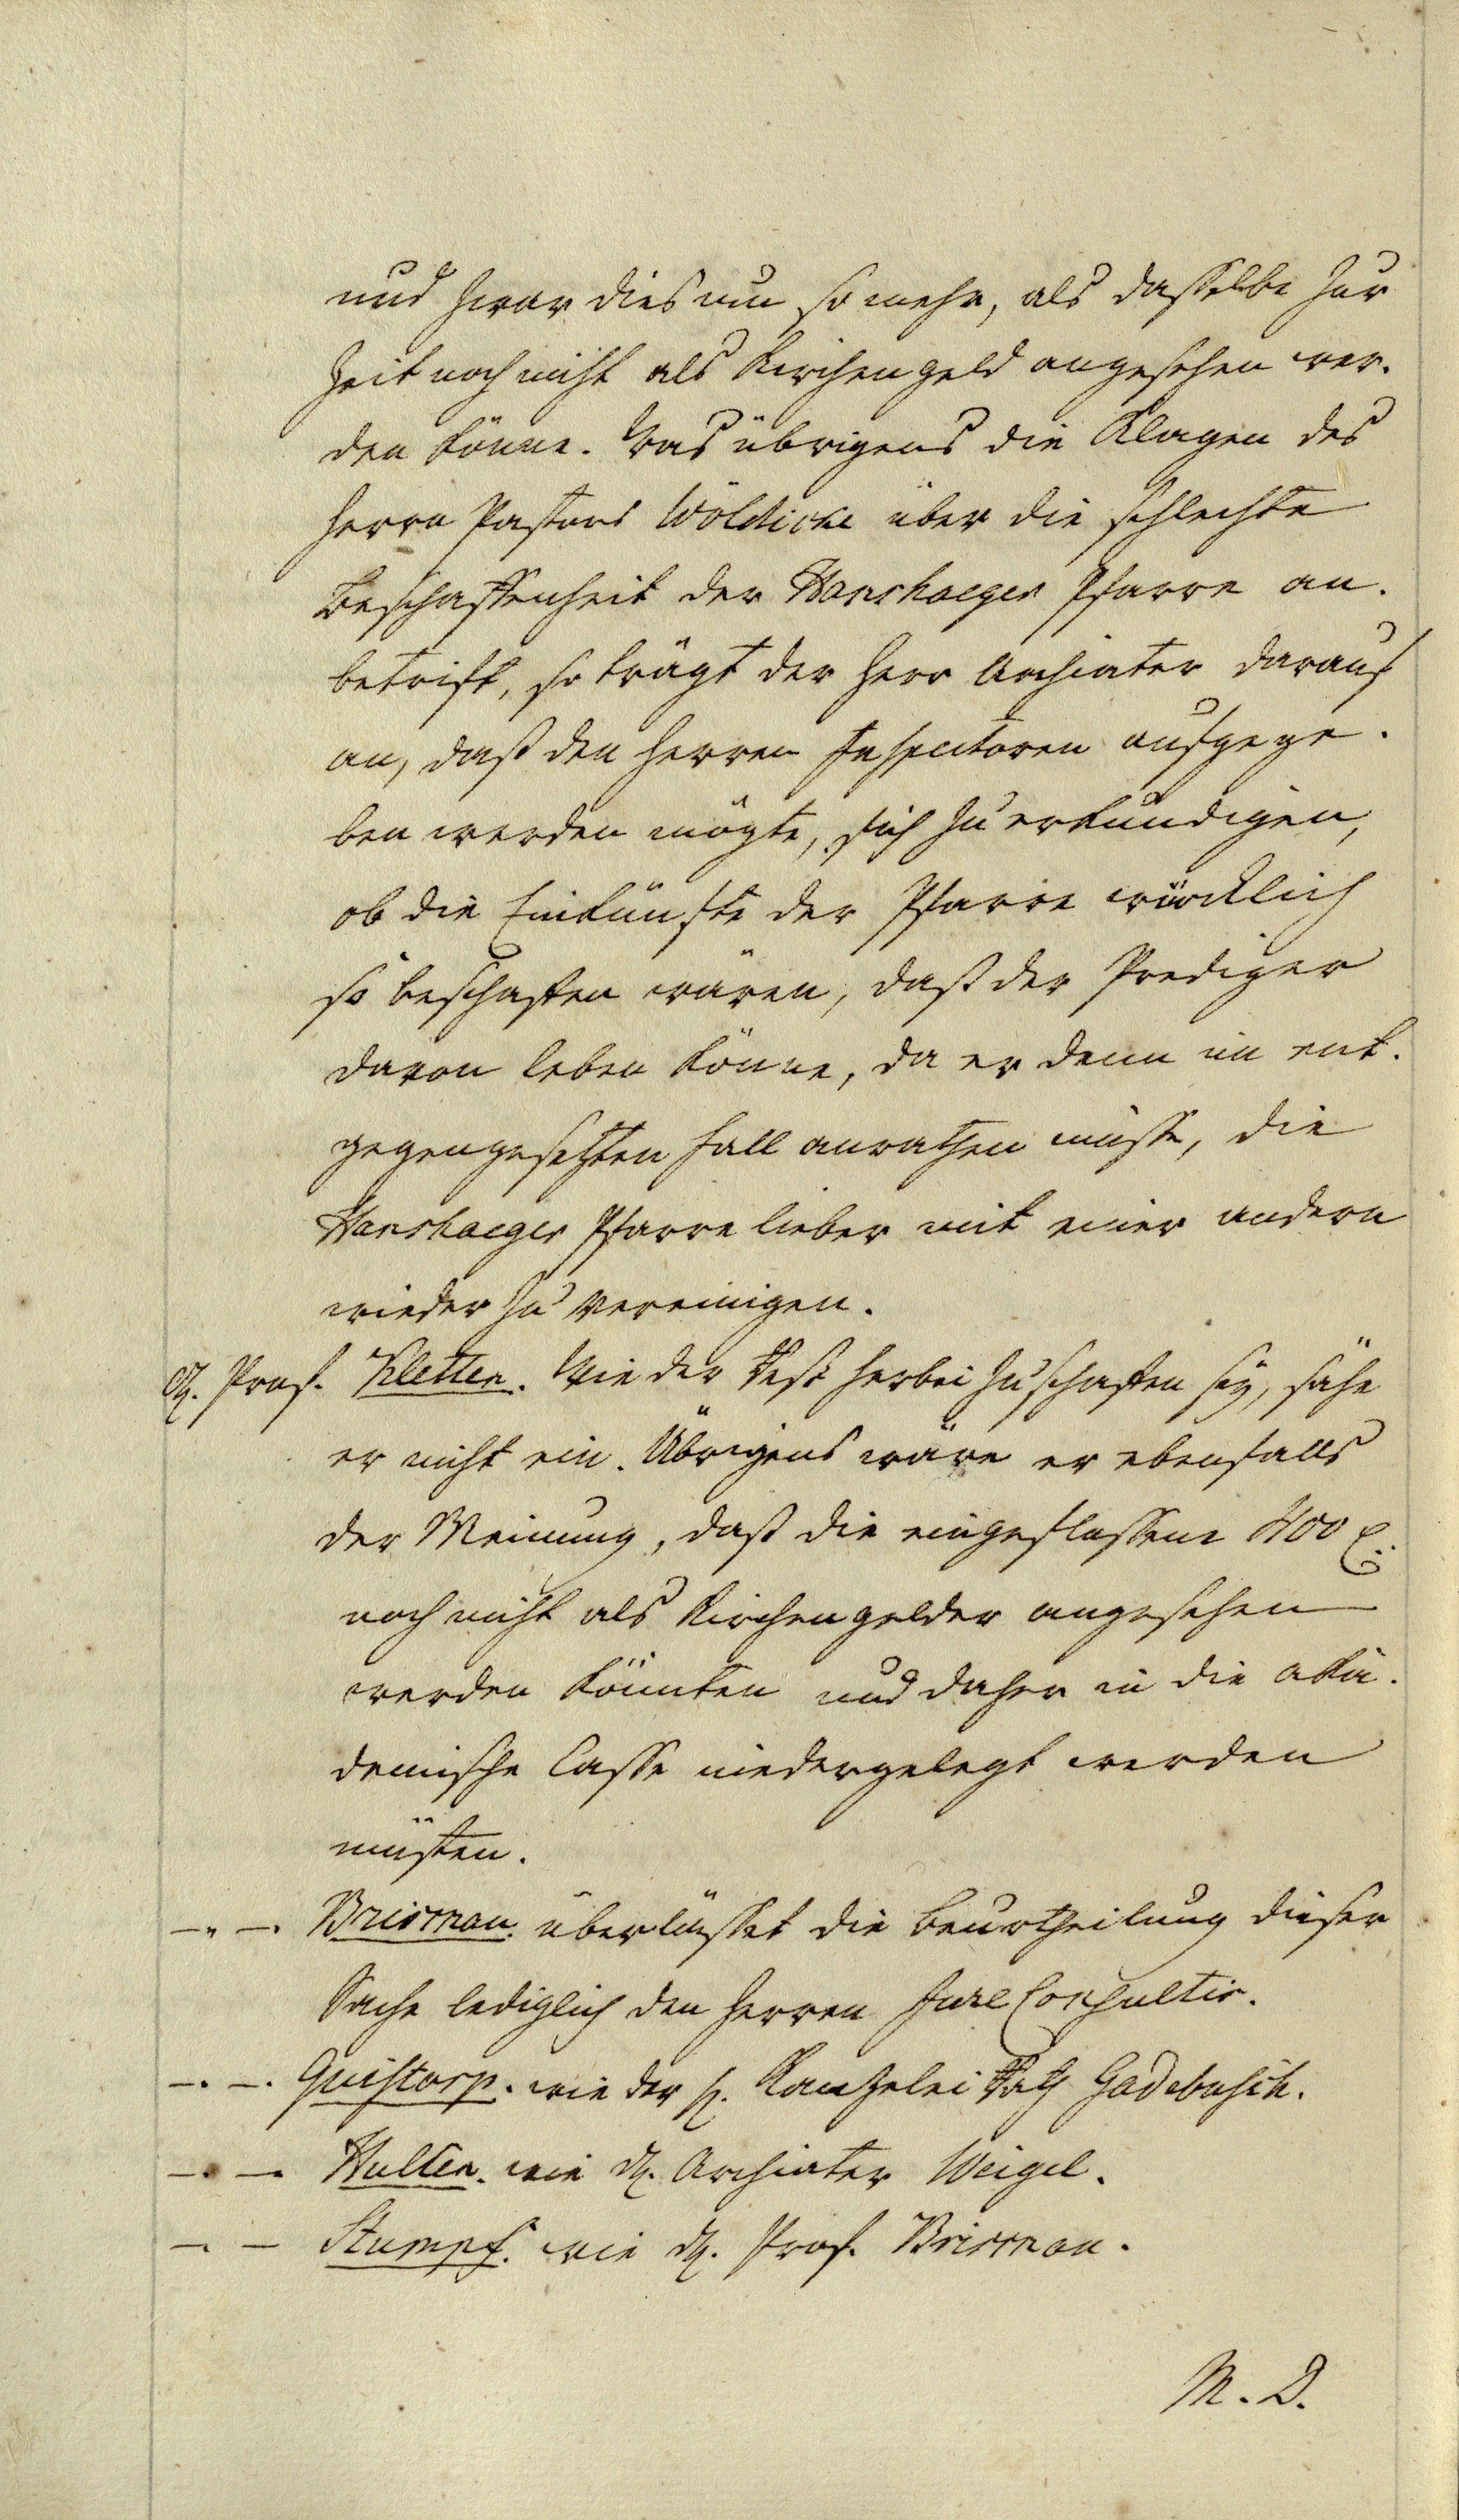und zwar dies um so mehr, als dasselbe zur
Zeit noch nicht als Kirchengeld angesehen wer¬
den könne. Was übrigens die Klagen des
Herrn Pastors Wöldicke über die schlechte
Beschaffenheit der Hanshaeger Pfarre an¬
betrift, so trägt der Herr Archiater darauf
an, daß den Herren Inspectoren aufgege¬
ben werden mögte, sich zu erkundigen,
ob die Einkünfte der Pfarre würcklich
so beschaffen wären, daß der Prediger
davon leben könne, da er denn im ent¬
gegengesetzten Fall anrathen müsse, die
Hanshaeger Pfarre lieber mit einer andern
wieder zu vereinigen
dh. Prof. Kletten. Wie der Rest herbei zuschafen seÿ, sähe
er nicht ein. Übrigens wäre er ebenfalls
der Meinung, daß die eingeflossene 400 l.
noch nicht als Kirchengelder angesehen
werden könnten und daher in die aka¬
demische Casse niedergelegt werden
müßten.
Brisman überlässet die Beurtheilung dieser
Sache lediglich den Herren Jure Consultis.
Quistorp. wie der h. Kanzelei Rath Gadebusch.
Hultén. wie dh. Archiater Weigel.
Stumpf. wie dh. Prof. Brisman.
M. D.